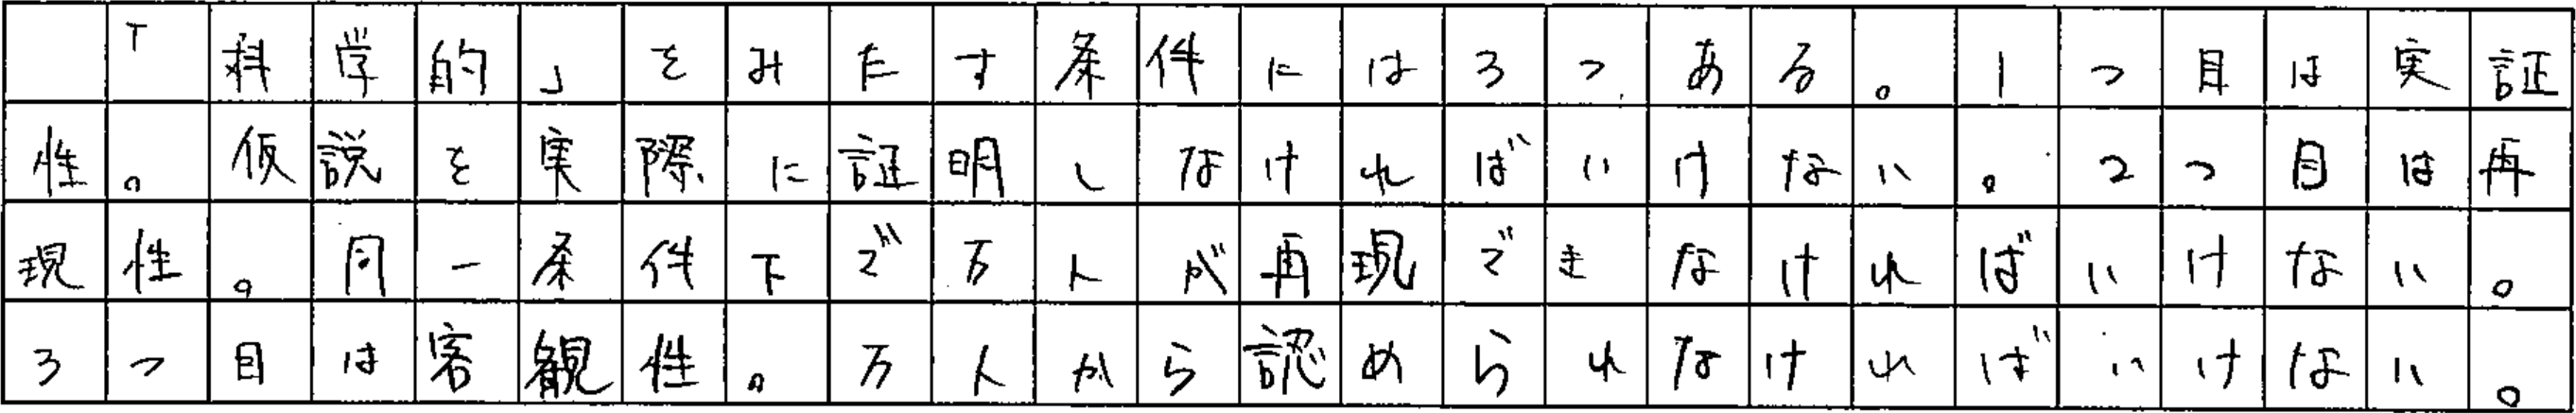　「科学的」をみたす条件には３つある。１つ目は実証性。仮説を実際に証明しなければいけない。２つ目は再現性。同一条件下で万人が再現できなければいけない。３つ目は客観性。万人から認められなければいけない。
